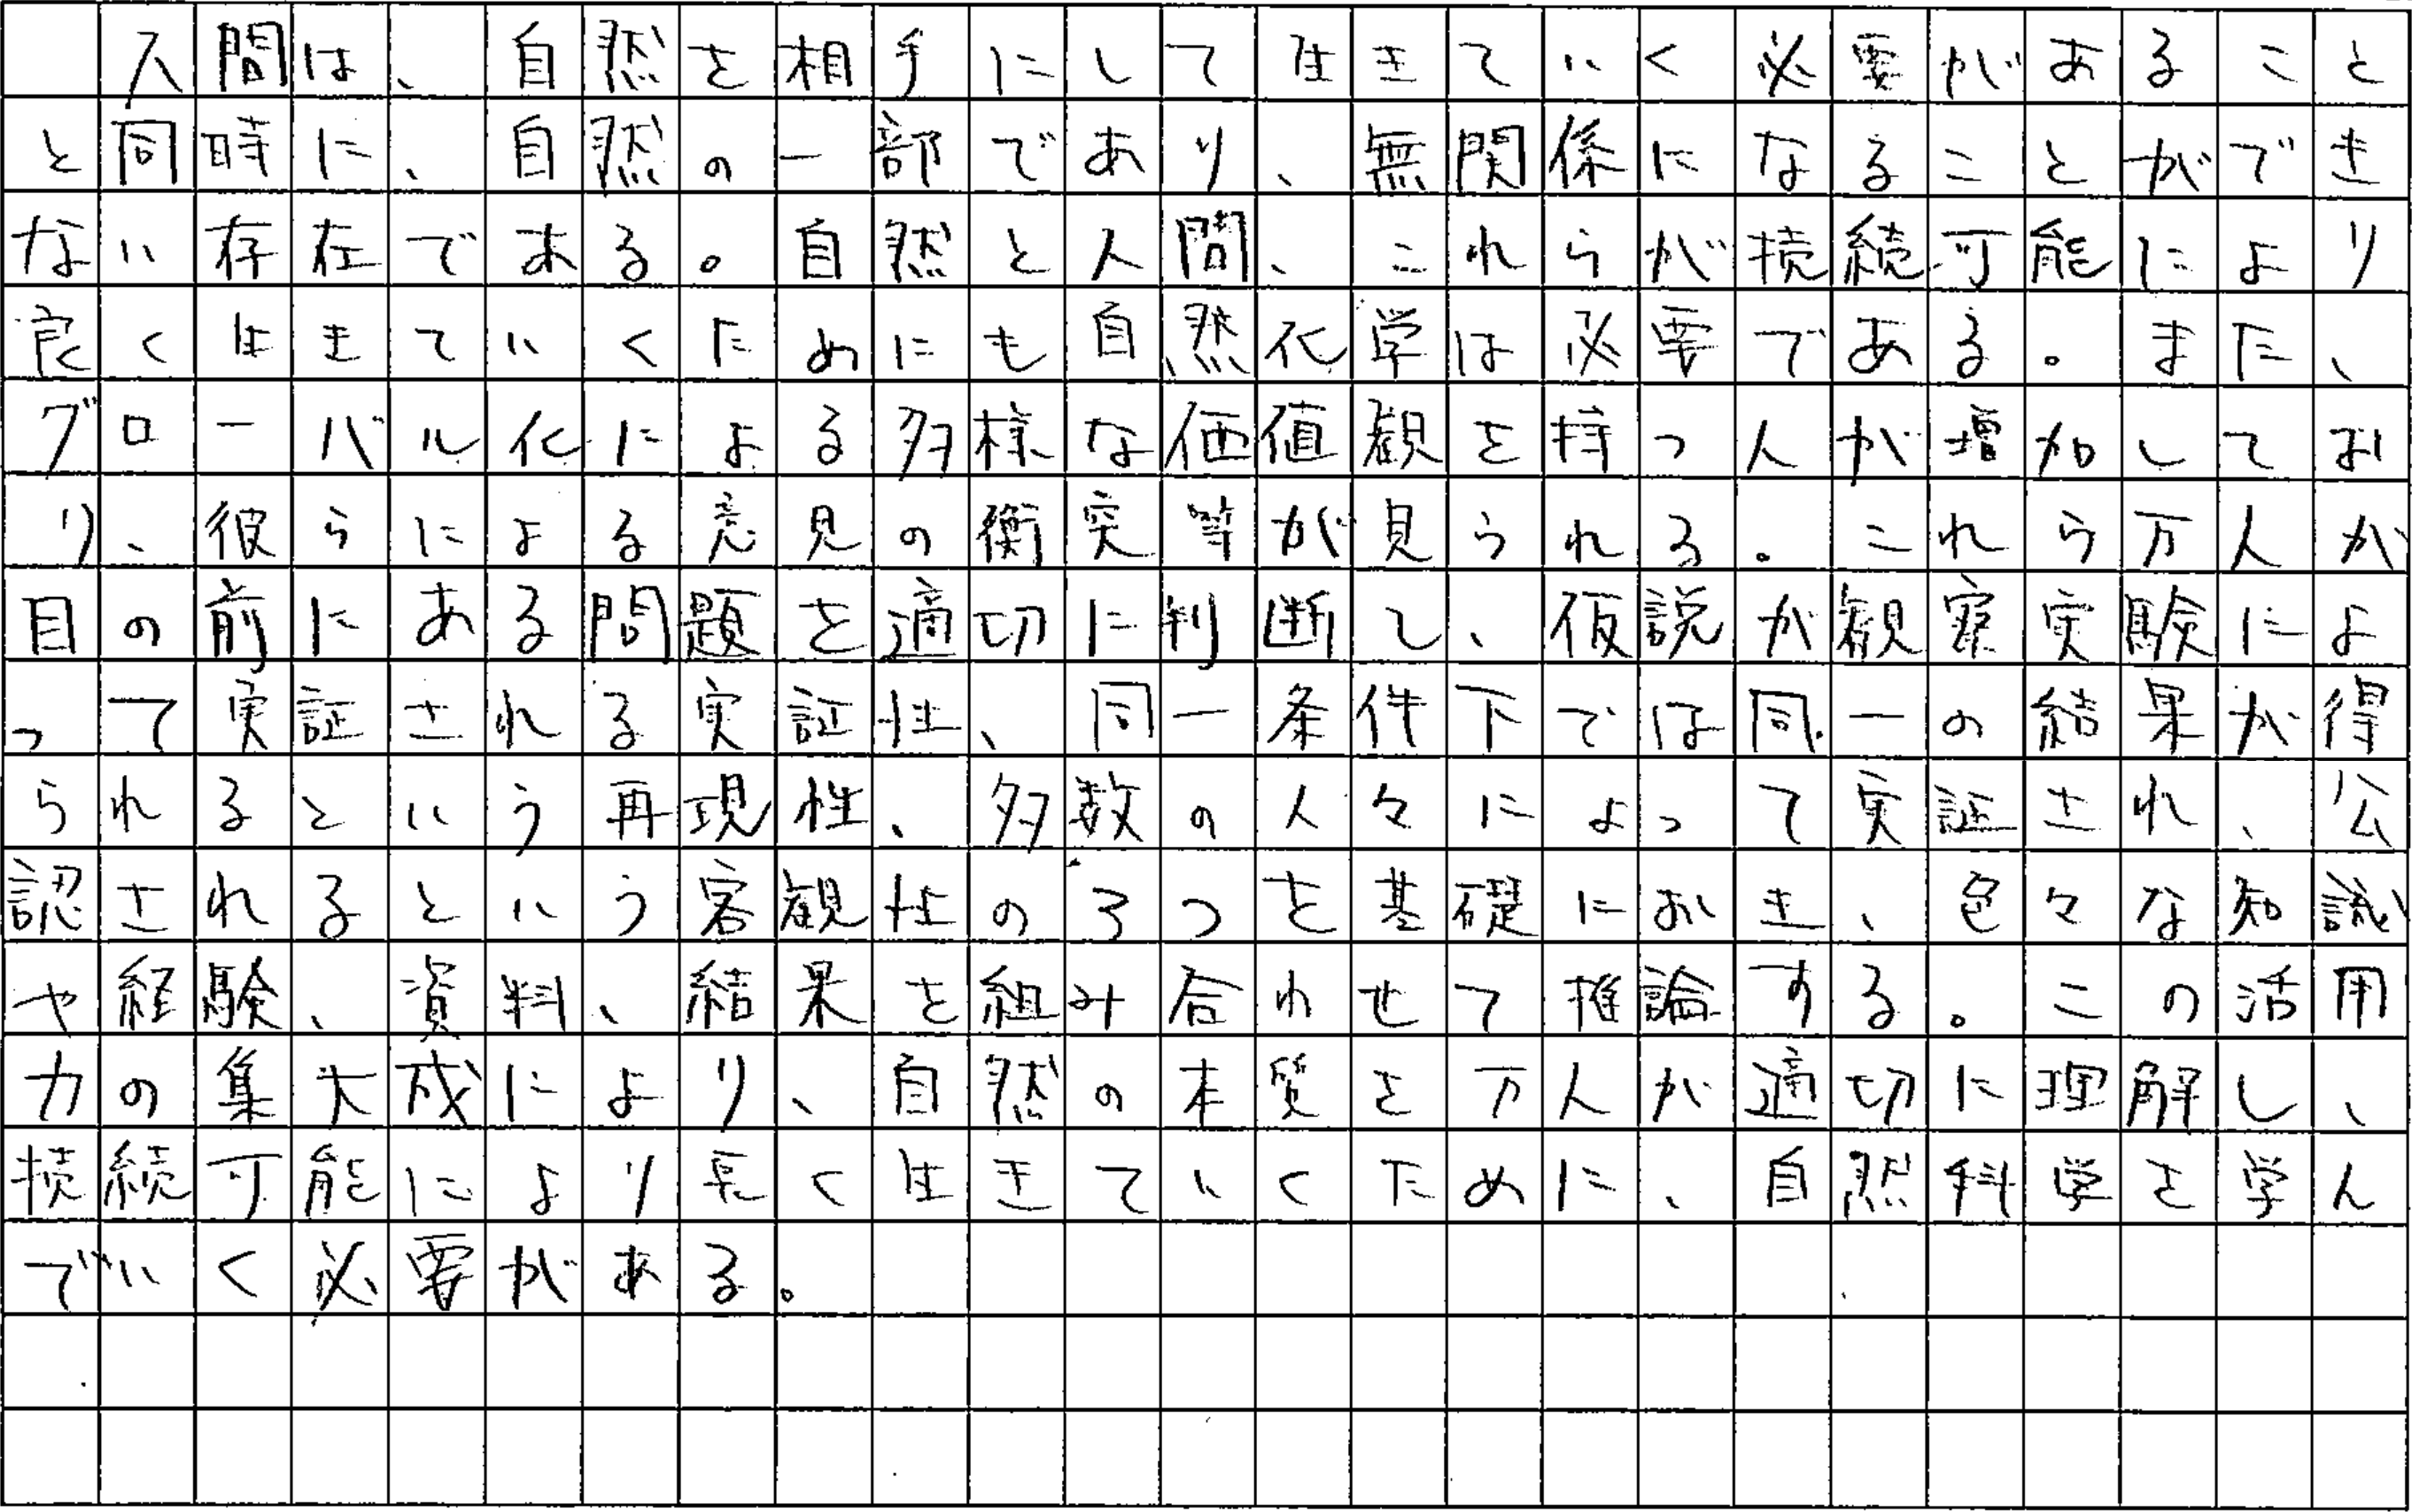　人間は、自然を相手にして生きていく必要があることと同時に、自然の一部であり、無関係になることができない存在である。自然と人間、これらが▁続可能により良く生きていくためにも自然化学は必要である。また、グローバル化による多様な価値観を持つ人が増加しており、彼らによる意見の衡突等が見られる。これら万人が目の前にある問題を適切に判断し、仮説が観察実験によって実証される実証性、同一条件下では同一の結果が得られるという再現性、多数の人々によって実証され、公認されるという客観性の３つを基礎におき、色々な知識や経験、資料、結果を組み合わせて推論する。この活用力の集大成により、自然の本質を万人が適切に理解し、▁続可能により長く生きていくために、自然科学を学んでいく必要がある。
